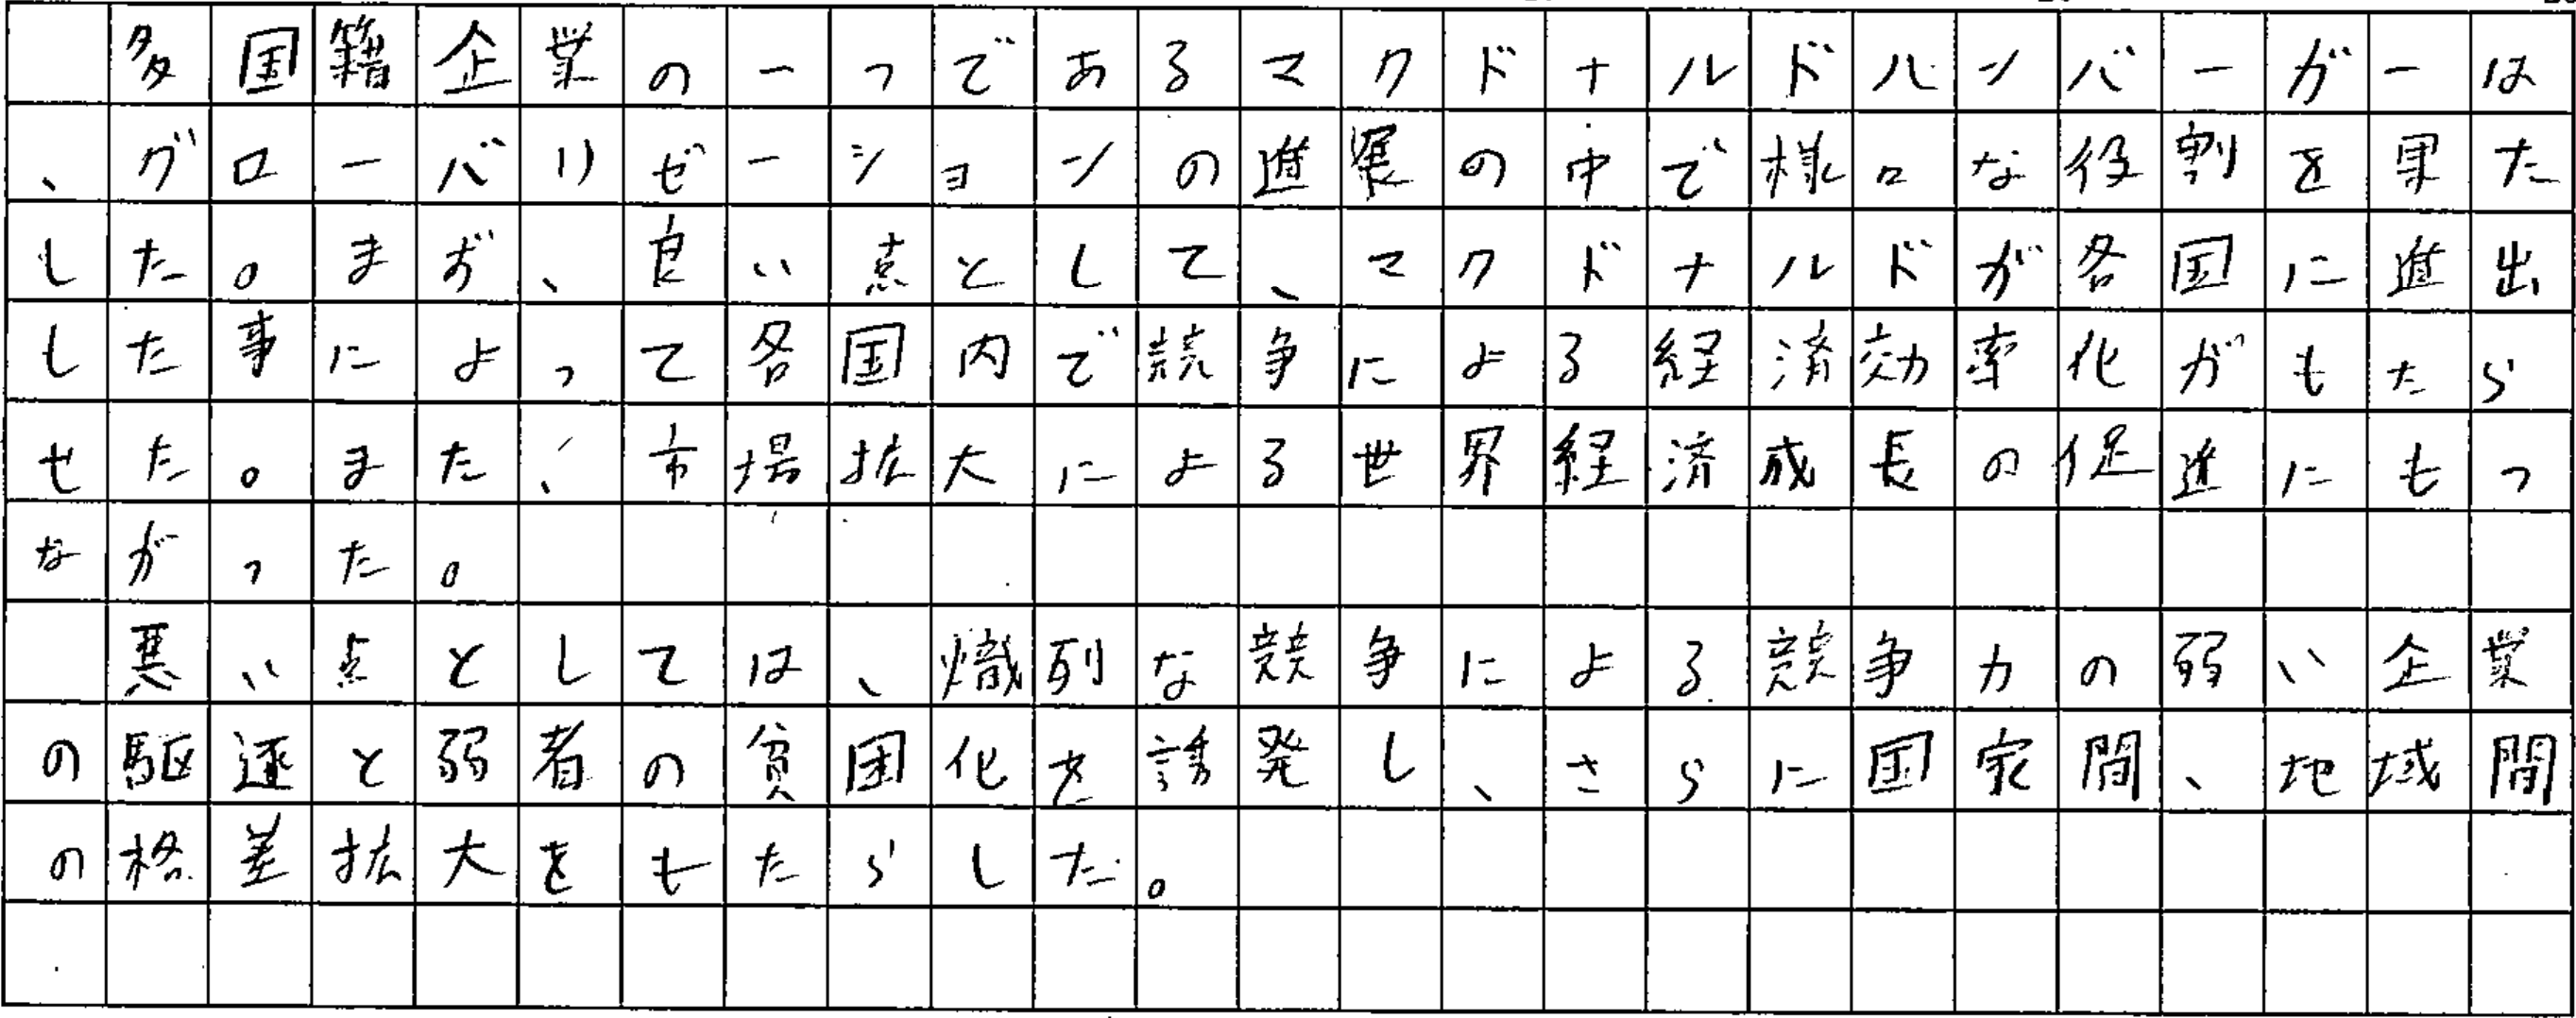　多国籍企業の一つであるマクドナルドハンバーガーは、グローバリゼーションの進展の中で様々な役割を果たした。まず、良い▁として、マクドナルドが各国に進出したことによって各国内で競争による経済効率化がもたらせた。また、市場拡大による世界経済成長の促進にもつながった。
　悪い点としては、熾列な競争による競争力の弱い企業の駆逐と弱者の貧困化を誘発し、さらに国家間、地域間の格差拡大をもたらした。
